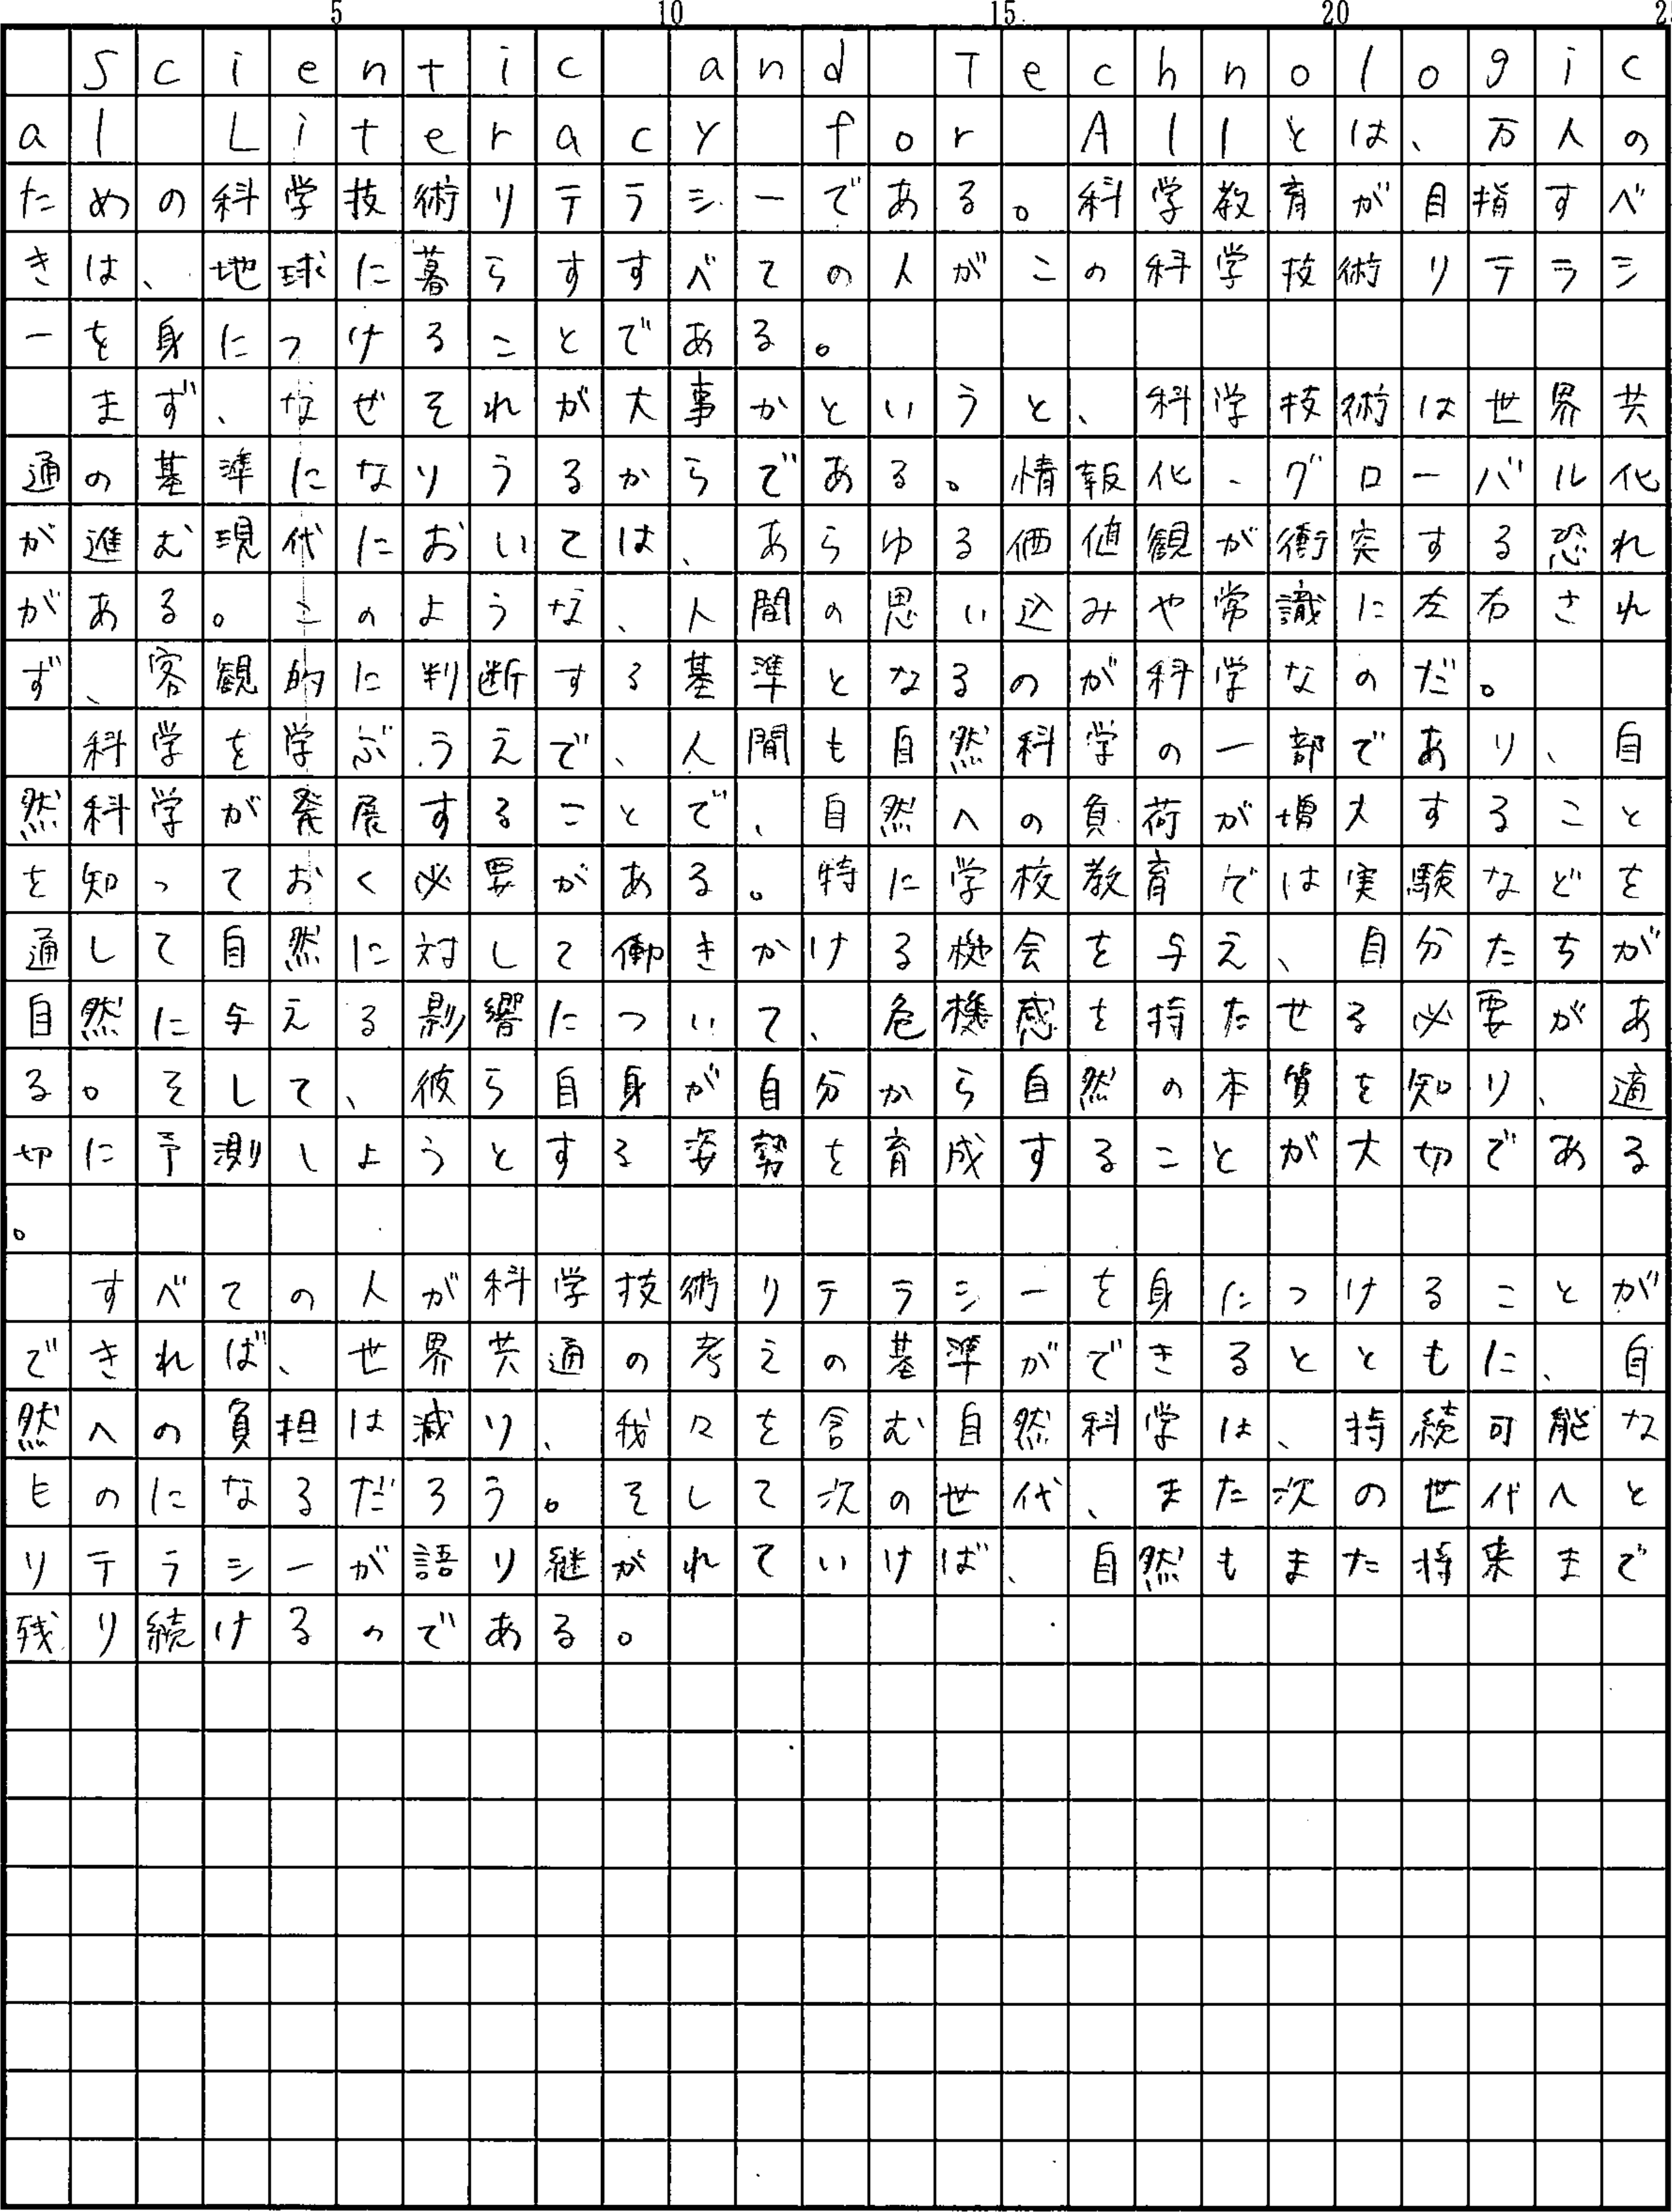　Ｓｃｉｅｎｔｉｃ　ａｎｄ　Ｔｅｃｈｎｏｌｏｇｉｃａｌ　Ｌｉｔｅｒａｃｙ　ｆｏｒ　Ａｌｌとは、万人のための科学技術リテラシーである。科学教育が目指すべきは、地球に暮らすすべての人がこの科学技術リテラシーを身につけることである。
　まず、なぜそれが大事かというと、科学技術は世界共通の基準になりうるからである。情報化・グローバル化が進む現代においては、あらゆる価値観が衝突する恐れがある。このような、人間の思い込みや常識に左右されず、客観的に判断する基準となるのが科学なのだ。
　科学を学ぶうえで、人間も自然科学の一部であり、自然科学が発展することで、自然への負荷が増大することを知っておく必要がある。特に学校教育では実験などを通して自然に対して働きかける機会を与え、自分たちが自然に与える影響について、危機感を持たせる必要がある。そして、彼ら自身が自分から自然の本質を知り、適切に予測しようとする姿勢を育成することが大切である。
　すべての人が科学技術リテラシーを身につけることができれば、世界共通の考えの基準ができるとともに、自然への負担は減り、我々を含む自然科学は、持続可能なものになるだろう。そして次の世代、また次の世代へとリテラシーが語り継がれていけば、自然もまた将来まで残り続けるのである。
